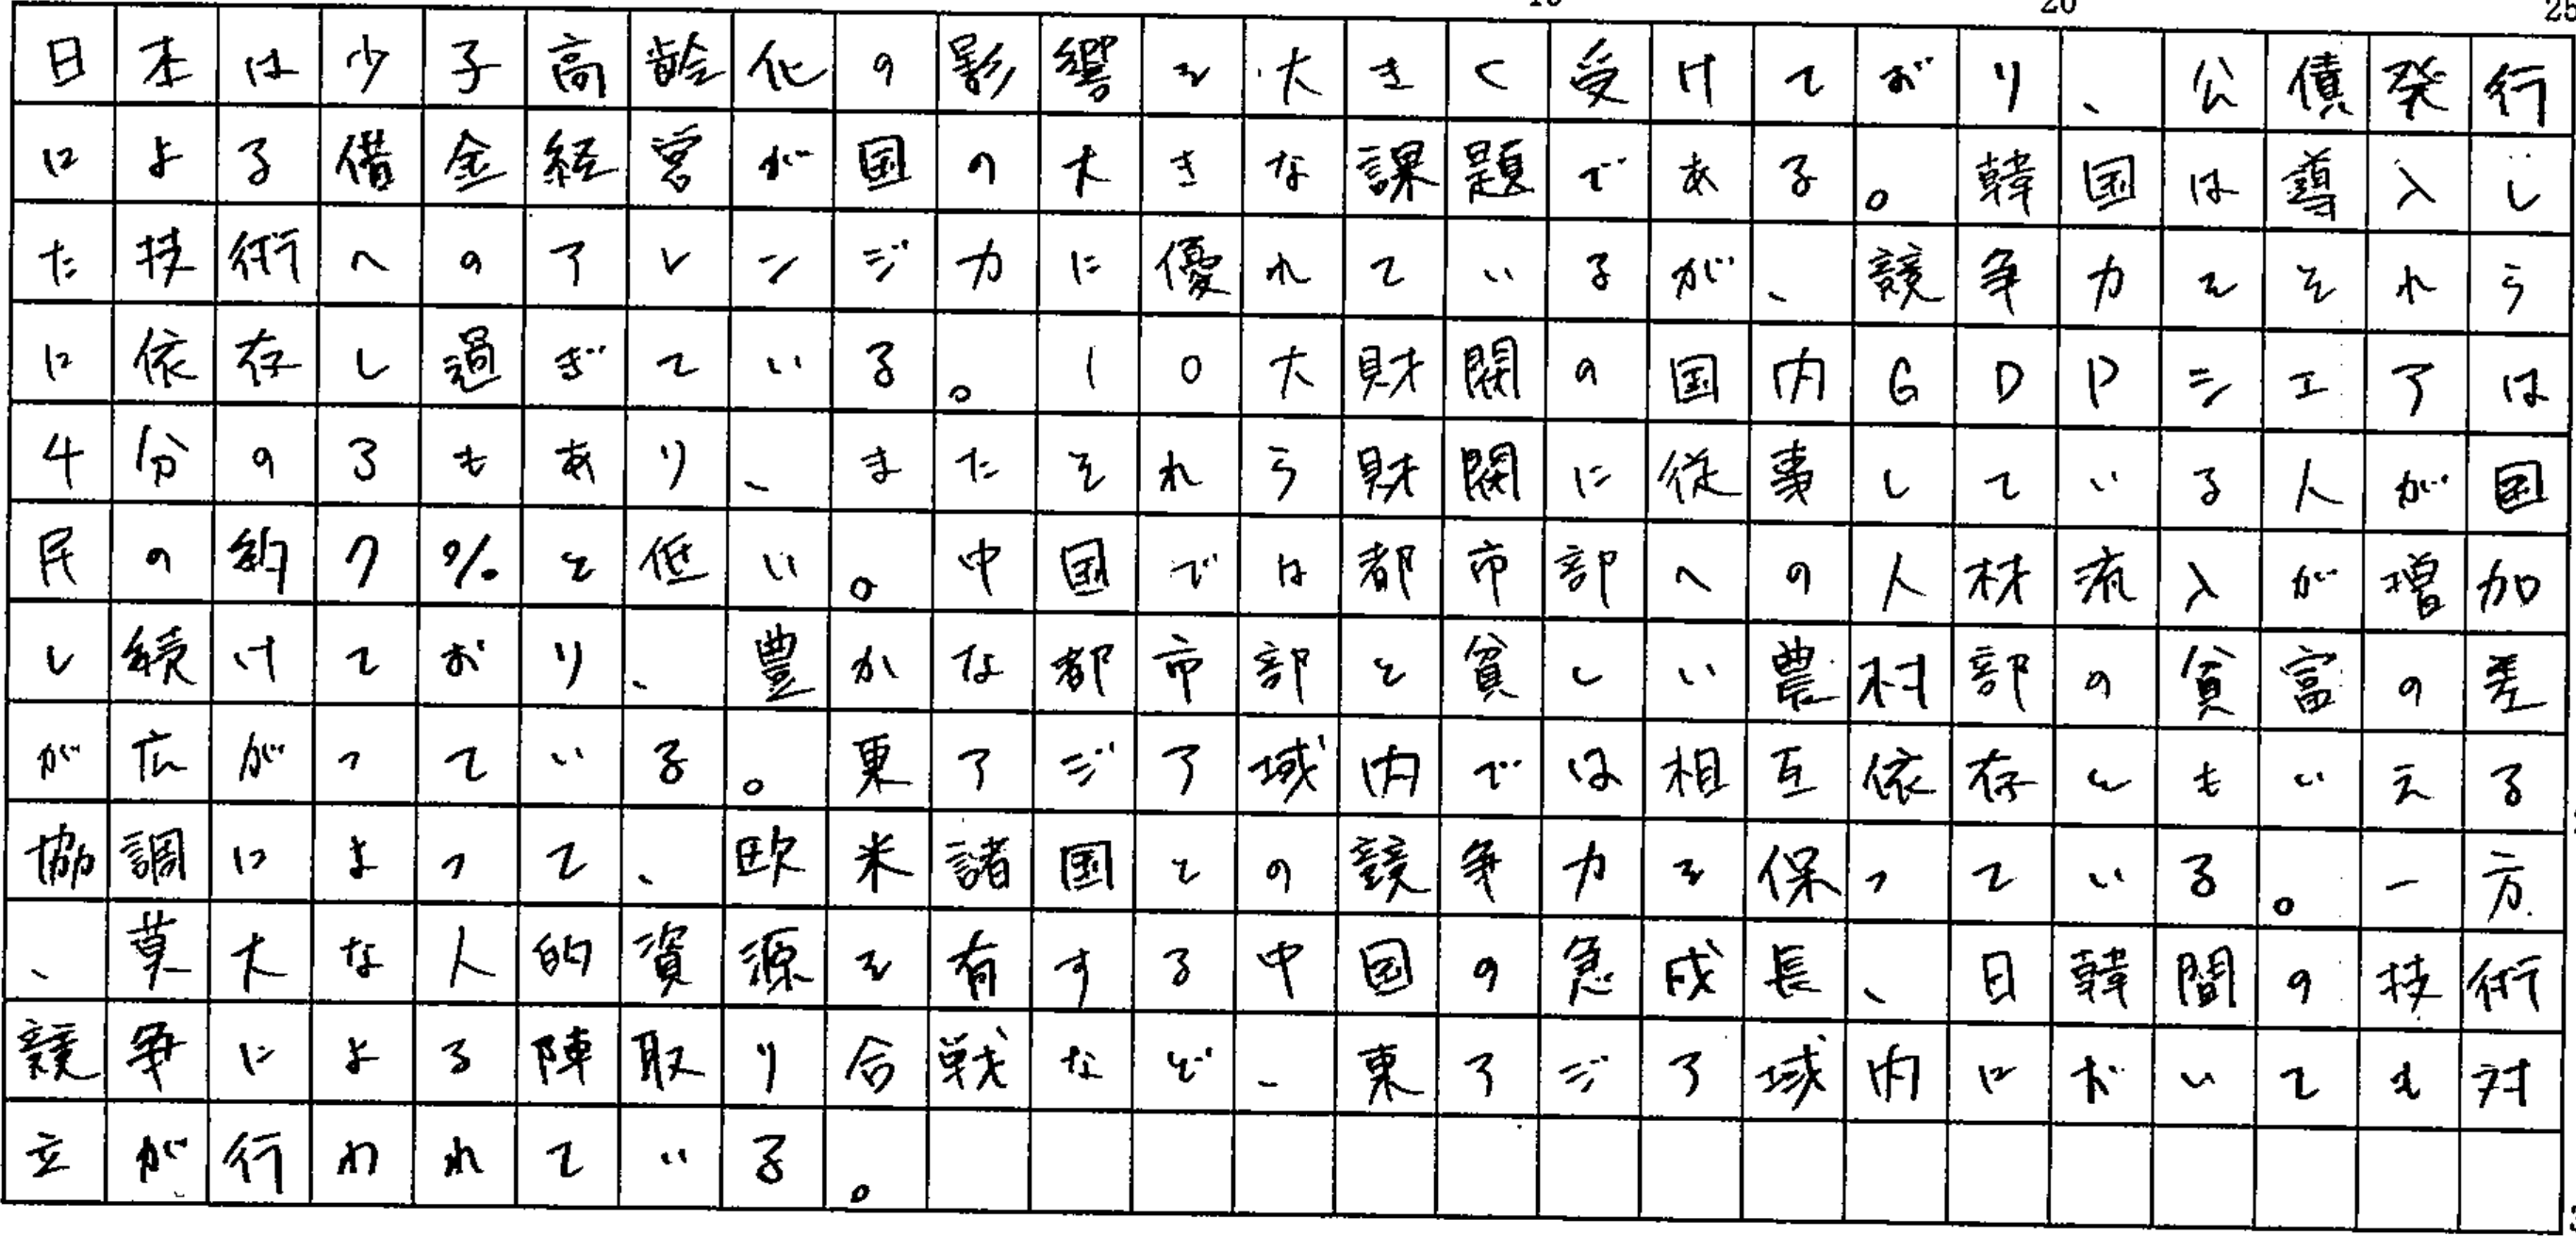日本は少子高齢化の影響を大きく受けており、公債発行による借金経営が国の大きな課題である。韓国は導入した技術へのアレンジ力に優れているが、競争力をそれらに依存し過ぎている。１０大財閥の国内ＧＤＰシェアは４分の３もあり、またそれら財閥に従事している人が国民の約７％と低い。中国では都市部への人材流入が増加し続けており、豊かな都市部と貧しい農村部の貧富の差が広がっている。東アジア域内では相互依存ともいえる協調によって、欧米諸国との競争力を保っている。一方、莫大な人的資源を有する中国の急成長、日韓間の技術競争による陣取り合戦など、東アジア域内においても対立が行われている。
